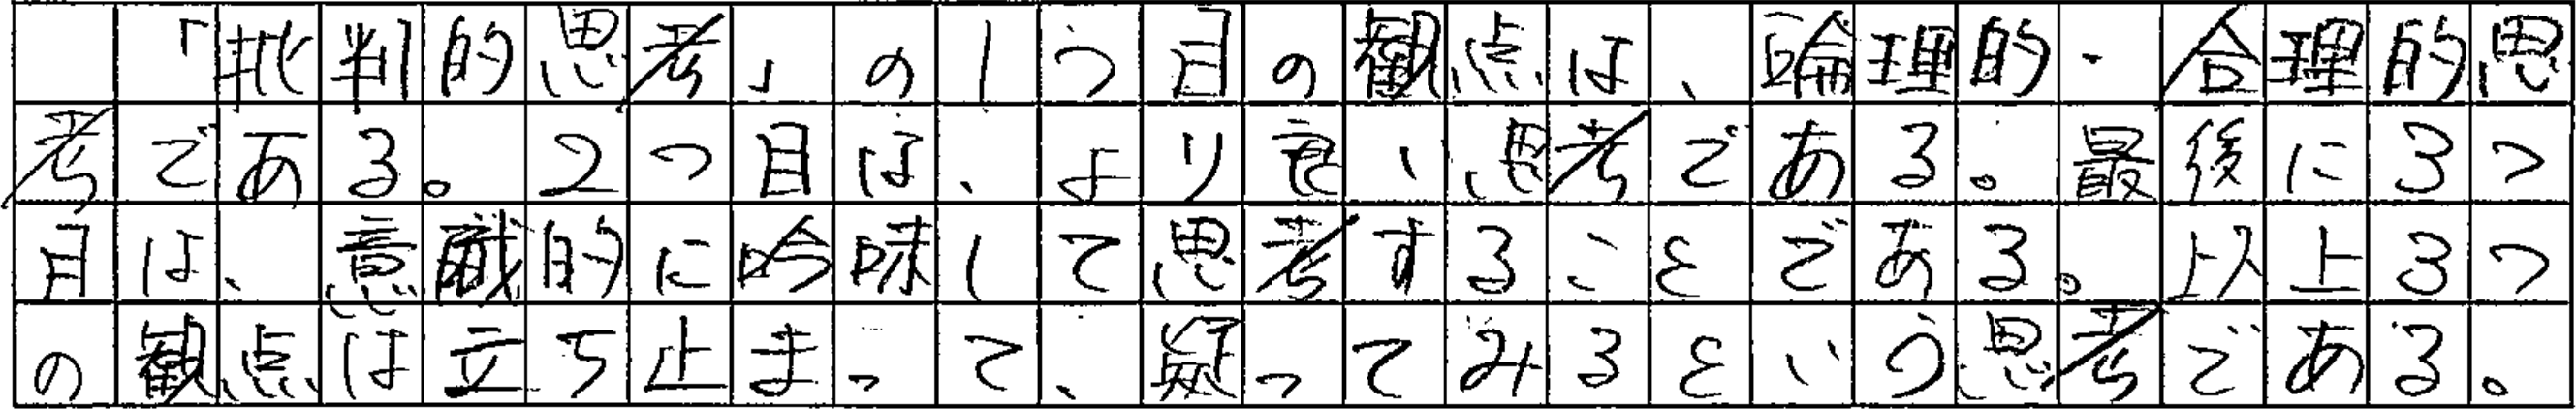　「批判的思考」の１つ目の観点は、論理的・合理的思考である。２つ目は、より良い思考である。最後に３つ目は、意識的に吟味して思考することである。以上３つの観点は立ち止まって、疑ってみるという思考である。
